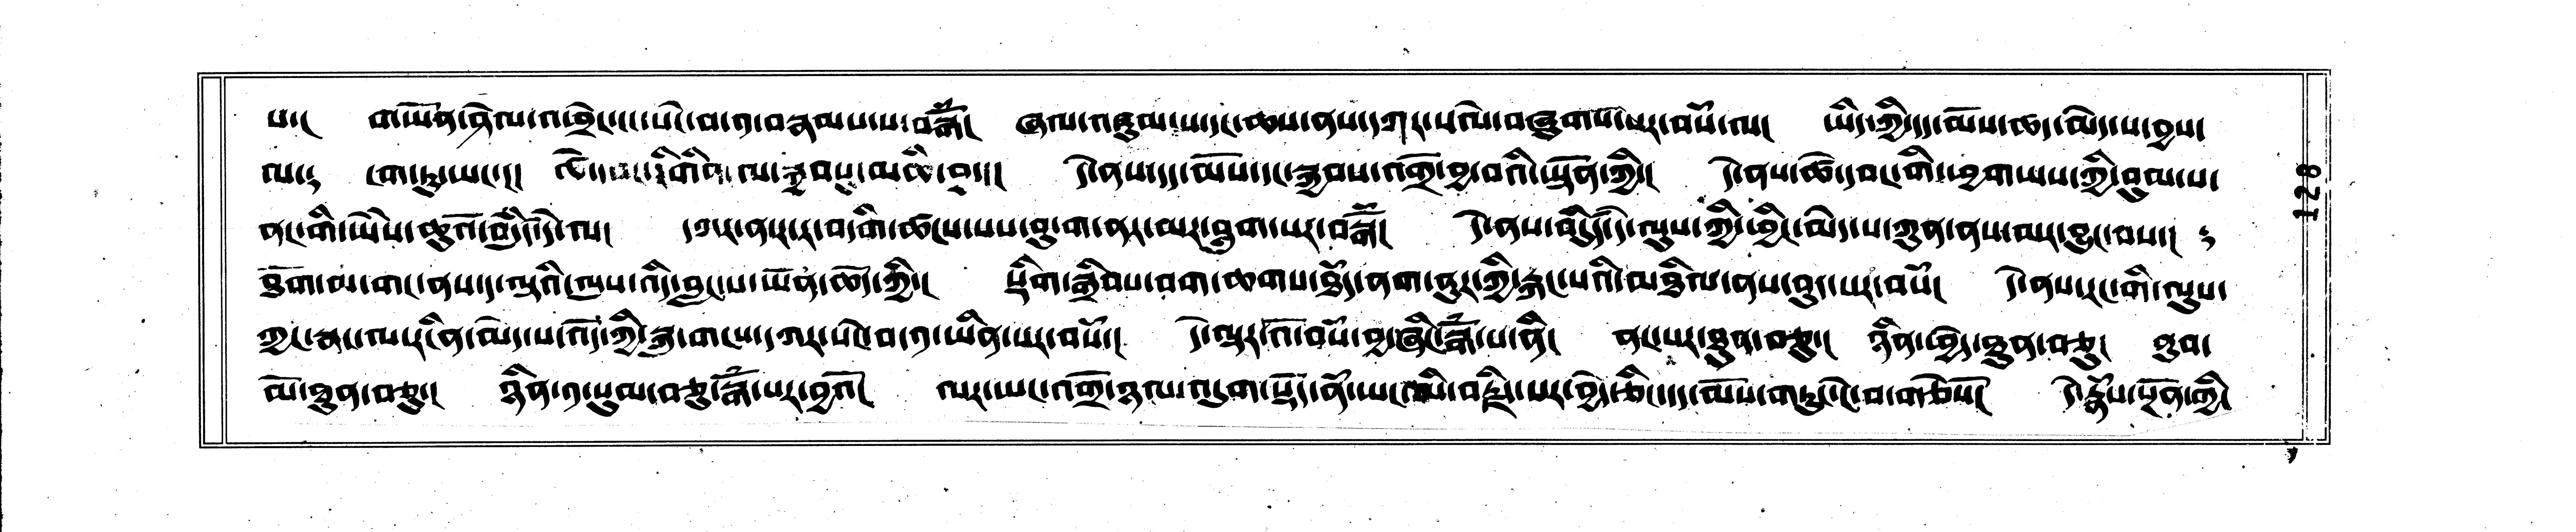པ། གཡོན་ཤེལ་འཕྲེང་ངང་སེང་བ་གཅིག་བསྣམས་པ་བསྒོམ། ཞལ་འཛུམ་པ་དང་ཆས་ནས་དཀར་སལེ་བཞུགས་པར་བསམ་ལ། ཡིད་ཀྱི་དད་མོས་ཚད་མེད་པ་བྱས་
ལ། ངག་ཏུ་ཡང་། ཚེ་དབང་རིག་འཛིན་ལ་སྐྱབས་སུ་མཆིའོ་བྱ། དེ་ནས་དད་མོས་དང་སྐྱབས་འགྲོ་བྱ་བའི་ཡོན་ཏན་ཀྱི། དེ་ནས་ཚེ་དབང་གི་ཕྱག་གཡས་ཀྱི་བུམ་པ་
ནང་གི་ཡེ་ཤེས་ཆུའོ་བདུད་རྩི་དེ་ལ། དཀར་ན་ར་ར་བདག་གི་ཚངས་པའི་བུ་ག་ནས་མར་བླུག་པར་བསྒོམ། དེ་ནས་བདུད་རྩི་དེ་ལུས་ཀྱི་ཕྱི་ནང་མེད་པ་ཀུན་ནས་མར་བྱུང་བས། 
ཐོག་མ་གང་ནས་ད་ལྟའི་ལུས་འདི་བླངས་པ་ཡན་ཆོད་ཀྱི། སྡིག་སྒྲིབ་བག་ཆགས་ཐམས་ཅད་ནག་ནུར་ཀྱི་རྐང་པའི་མཐིལ་ནས་བུད་པར་བསམ། དེ་ནས་རང་གི་ལུས་
ཀྱང་སྣང་ལ་རང་བཞིན་མེད་པ་འོད་ཀྱི་སྐུ་གངས་དཀར་སེང་བ་གཅིག་ཡིན་པར་བསམ། དེ་ལྟར་འོ་བསམ་བྱ་ཞིང་སྒོམ་པ་ནི། ནང་པར་ཐུན་བཅུ། ཉིན་ཕྱེད་ཐུན་བཅུ། ནུབ་
མོ་ཐུན་བཅུ། ཉིན་གཅིག་སུམ་བཅུ་སྒོམ་པར་བྱའོ། །ལར་ཡང་འགྲོ་ཉལ་འདུག་སྟོད་ནམ་ཡང་མི་བརྗེད་པར་བྱེད་ཅིང་དད་མོས་གཏུང་༼དུང་༽ངེ་བ་གཅེས་སོ། དེ་རྣམས་སྔོན་གྱི་